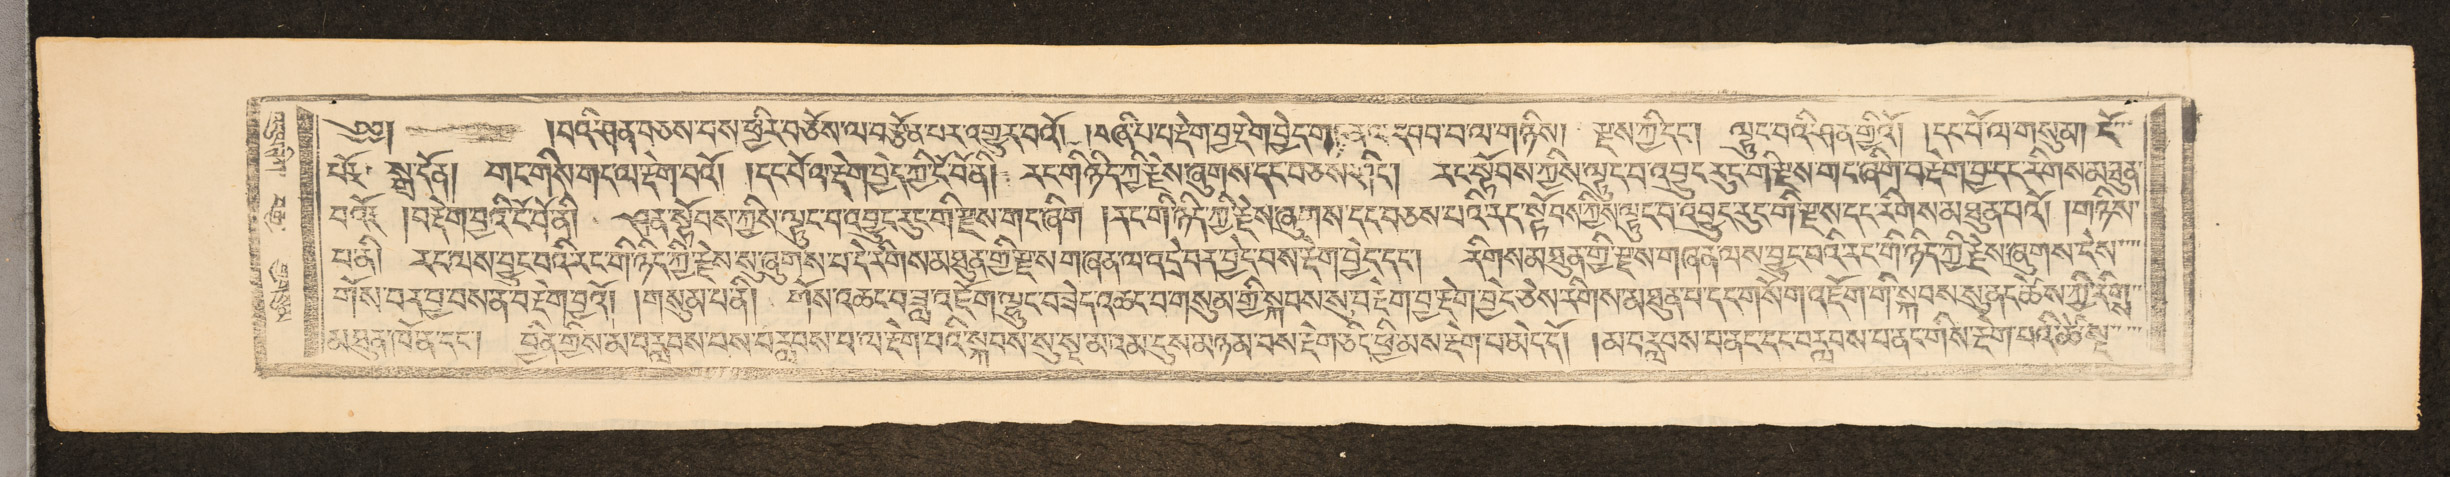༄༅། །པའི་ཤན་བཅས་པས་ཕྱིར་བཅོས་ལ་བརྩོན་པར་འགྱུར་བའོ། །བཞི་པ་བརྡེག་བྱ་རྡེག་བྱེད་གཏན་ལ་དབབ་པ་ལ་གཉིས། རྫས་ཀྱི་དང་། ལྟུང་བའི་ཤན་གྱིའོ། །དང་པོ་ལ་གསུམ། ངོ་
པོ། སྒྲ་དོན། གང་གིས་གང་ལ་རྡེག་པའོ། །དང་པོ་ལ་རྡེག་བྱེད་ཀྱི་ངོ་བོ་ནི། རང་གི་ཉིད་ཀྱི་རྗེས་ཞུགས་དང་བཅས་ཤིང་། རང་སྟོབས་ཀྱིས་ལྟུང་བ་འབྱུང་རུང་གི་རྫས་གང་ཞིག་བརྡེག་བྱ་དང་རིགས་མཐུན་
པའོ༑ །བརྡེག་བྱའི་ངོ་བོ་ནི། ཤན་སྟོབས་ཀྱིས་ལྟུང་བ་འབྱུང་རུང་གི་རྫས་གང་ཞིག །རང་གི་ཉིད་ཀྱི་རྗེས་ཞུགས་དང་བཅས་པའི་རང་སྟོབས་ཀྱིས་ལྟུང་བ་འབྱུང་རུང་གི་རྫས་དང་རིགས་མཐུན་པའོ། །གཉིས་
པ་ནི། རང་ལས་བྱུང་བའི་རང་གི་ཉིད་ཀྱི་རྗེས་སུ་ཞུགས་པ་དེ་རིགས་མཐུན་གྱི་རྫས་གཞན་ལ་འདྲེ་བར་བྱེད་པས་རྡེག་བྱེད་དང་། རིགས་མཐུན་གྱི་རྫས་གཞན་ལས་བྱུང་བའི་རང་གི་ཉིད་ཀྱི་རྗེས་ཞུགས་དེས་
གོས་པར་བྱ་བས་ན་བརྡེག་བྱའོ། །གསུམ་པ་ནི། གོས་འཆང་བ་ཟླ་འཇོག་ལྷུང་བཟེད་འཆང་བ་གསུམ་གྱི་སྐབས་སུ་བརྡེག་བྱ་རྡེག་བྱེད་ཅེས་རིགས་མཐུན་པ་དང་གསོག་འཇོག་གི་སྐབས་སུ་ནད་ཚེས་ཀྱི་རིགས་
མཐུན་ཁོ་ན་དང་། བྱིན་གྱིས་མ་བརླབས་པས་བརླབས་པ་ལ་རྡེག་པའི་སྐབས་སུ་སྔ་མའམ་དུས་མཉམ་པས་རྡེག་ཅིང་ཕྱི་མས་རྡེག་པ་མེད་དོ། །མ་བརླབས་པ་ནང་དང་བརླབས་པ་ནང་གིས་རྡེག་པའི་ཚེ་སྔ་